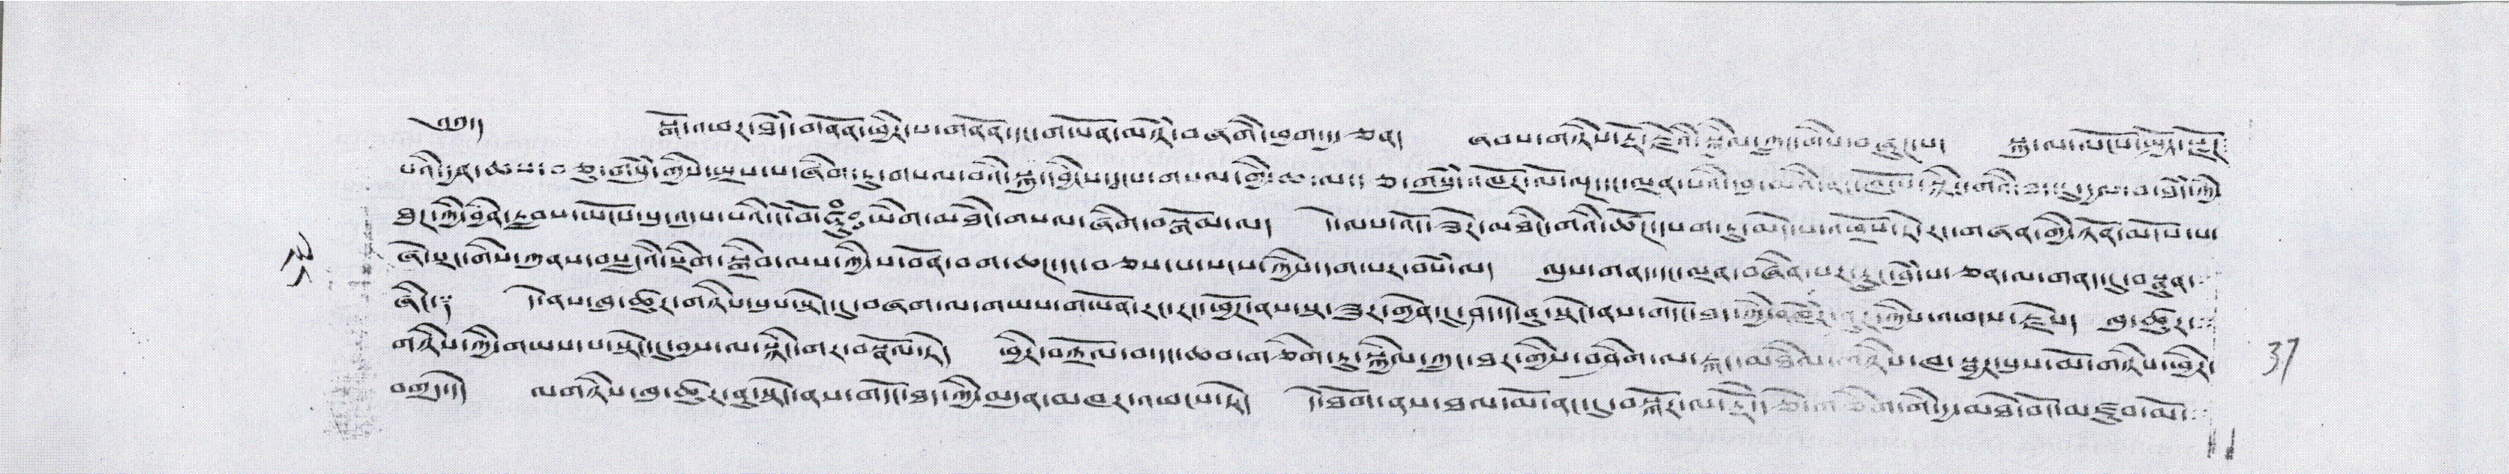སྒོ་འཕར་ཐམས་ཅད་གནོན་ཕྱིར་ས་གནོན་དང་གཡོན་མཉམ་གཞག་གི་ཕྱག་རྒྱ་ཅན། ཞབས་གཉིས་རྡོ་རྗེའི་སྐྱིལ་ཀྲུང་གིས་བཞུགས་པ། སྐུ་ལ་ལོངས་སྤྱོད་རྫོགས་
པའི་རྒྱན་ཆས་བཅུ་གསུམ་གྱིས་སྤྲས་པ་ཞིག་ཏུ་གསལ་བའི་སྐུ་དབྱིངས་དྭངས་གསལ་གྱི་ཆ་ལ་རྩ་གསུམ་འཁོར་ལོ་ལྔ་དང་ལྡན་པའི་དབུ་མའི་ནང་ཁོངས་སྙིང་གའི་ཐད་དུ་རྒྱལ་བ་ཐམས་ཅད་ཀྱི་
ཐུགས་ཀྱི་བྱིན་རླབས་ཐམས་ཅད་ཡོངས་སུ་འདུས་པའི་ངོ་བོ་ཧཱུཾཿཡིག་མཐིང་གསལ་ཞིག་བསྒོམ་ལ། དེས་ལས་འོད་ཟེར་མཐིང་གའི་ཚོགས་དཔག་ཏུ་མེད་པ་འཕྲོས་ཏེ་རང་གཞན་གྱི་ཉོན་མོངས་པ་
ཞེ་སྡང་གིས་ཀུན་ནས་བསླངས་པའི་སྡིག་སྒྲིབ་ས་བོན་བག་ཆགས་དང་བཅས་པ་ཐམས་ཅད་སངས་ཀྱིས་དག་པར་བསམ་ལ། ལུས་གནད་དང་ལྡན་བཞིན་པར་རླུང་བུམ་པ་ཅན་ལ་གནད་དུ་བསྣུན་
ཞིང་། དེ་ནས་ཁུ་ཚུར་གཉིས་པུས་སྟེང་དུ་བཞག་ལ་གཡས་གཡོན་རང་རང་ཕྱོགས་ནས་སྟ་ཟུར་གྱེན་དུ་ཤད་དེ་ནུ་སྟེང་ནས་གདོང་ཐད་ཀྱི་ནམ་མཁར་ཤུགས་ཀྱིས་འཕངས་རྗེས། ཁུ་ཚུར་
གཉིས་ཀྱི་གཡས་པ་སྟེང་དུ་བྱས་ལ་སྙིང་གར་བསྣོལ་ཏེ། ཕྱིར་བཀྲོལ་བ་དང་ཆབས་ཅིག་ཏུ་སྐྱིལ་ཀྲུང་ཐར་གྱིས་བཤིགས་ལ་རྐང་མཐིལ་གཉིས་ཁ་སྦྱར་པུས་མོ་གཉིས་ཕྱིར་
བགྲད་དེ། ལག་གཉིས་ཁུ་ཚུར་ནུ་སྟེང་ནས་གདོང་ཐད་ཀྱི་མདུན་མཁར་འཕངས་ཏེ། དེ་ཐོག་ནས་ཐལ་མོ་ནང་དུ་བསྐོར་ལ། རྡོ་རྗེ་རྩེ་གཅིག་གི་རྒྱ་མཐེ་བོང་མཛུབ་མོ་